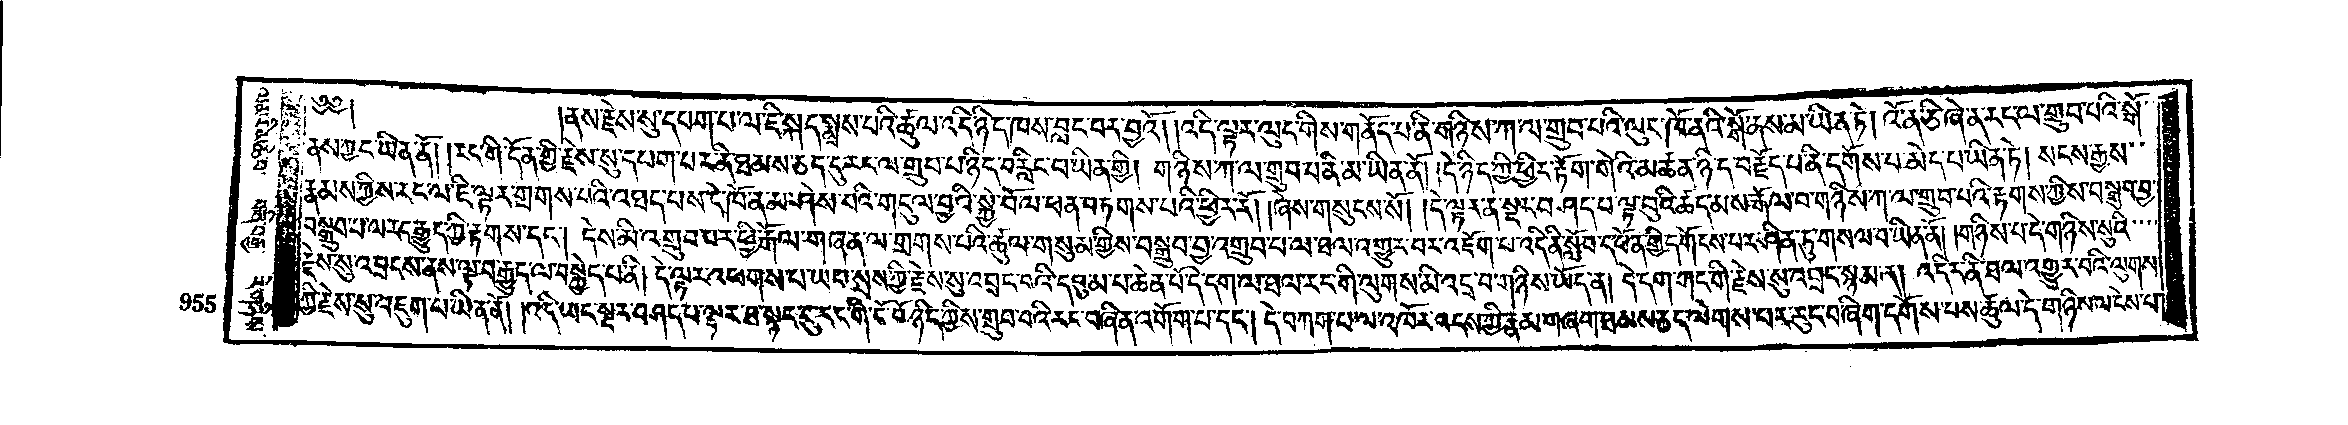༄༅། །ནས་རྗེས་སུ་དཔག་པ་ལ་ཇི་སྐད་སྨྲས་པའི་ཚུལ་འདི་ཉིད་ཁས་བླང་བར་བྱའོ། །འདི་ལྟར་ལུང་གིས་གནོད་པ་ནི་གཉིས་ཀ་ལ་གྲུབ་པའི་ལུང་ཁོ་ནའི་སྒོ་ནས་མ་ཡིན་ཏེ། འོ་ན་ཅི་ཞེ་ན་རང་ལ་གྲུབ་པའི་སྒོ་
ནས་ཀྱང་ཡིན་ནོ། །རང་གི་དོན་གྱི་རྗེས་སུ་དཔག་པར་ནི་ཐམས་ཅད་དུ་རང་ལ་གྲུབ་པ་ཉིད་བརླིང་བ་ཡིན་གྱི། གཉིས་ཀ་ལ་གྲུབ་པ་ནི་མ་ཡིན་ནོ། །དེ་ཉིད་ཀྱི་ཕྱིར་རྟོག་གེའི་མཚན་ཉིད་བརྗོད་པ་ནི་དགོས་པ་མེད་པ་ཡིན་ཏེ། སངས་རྒྱས་
རྣམས་ཀྱིས་རང་ལ་ཇི་ལྟར་གྲགས་པའི་འཐད་པས་དེ་ཁོ་ན་མ་ཤེས་པའི་གདུལ་བྱའི་སྐྱེ་བོ་ལ་ཕན་བཏགས་པའི་ཕྱིར་རོ། །ཞེས་གསུངས་སོ། །དེ་ལྟར་ན་སྔར་བཤད་པ་ལྟ་བུའི་ཚད་མས་རྒོལ་བ་གཉིས་ཀ་ལ་གྲུབ་པའི་རྟགས་ཀྱིས་བསྒྲུབ་བྱ་
བསྒྲུབ་པ་ལ་རང་རྒྱུད་ཀྱི་རྟགས་དང་། དེས་མི་འགྲུབ་པར་ཕྱི་རྒོལ་གཞན་ལ་གྲགས་པའི་ཚུལ་གསུམ་གྱིས་བསྒྲུབ་བྱ་འགྲུབ་པ་ལ་ཐལ་འགྱུར་བར་འཇོག་པ་འདི་ནི་སློབ་དཔོན་གྱི་དགོངས་པར་ཤིན་ཏུ་གསལ་བ་ཡིན་ནོ། གཉིས་པ་དེ་གཉིས་སུའི་
རྗེས་སུ་འབྲངས་ནས་ལྟ་བ་རྒྱུད་ལ་བསྐྱེད་པ་ནི། དེ་ལྟར་འཕགས་པ་ཡབ་སྲས་ཀྱི་རྗེས་སུ་འབྲང་བའི་དབུ་མ་པ་ཆེན་པོ་དེ་དག་ལ་ཐལ་རང་གི་ལུགས་མི་འདྲ་བ་གཉིས་ཡོད་ན། དེ་དག་གང་གི་རྗེས་སུ་འབྲང་སྙམ་ན། འདིར་ནི་ཐལ་འགྱུར་བའི་ལུགས་
ཀྱི་རྗེས་སུ་འཇུག་པ་ཡིན་ནོ། །འདི་ཡང་སྔར་བཤད་པ་ལྟར་ཐ་སྙད་དུ་རང་གི་ངོ་བོ་ཉིད་ཀྱིས་གྲུབ་པའི་རང་བཞིན་འགོག་པ་དང་། དེ་བཀག་པ་ལ་འཁོར་འདས་ཀྱི་རྣམ་གཞག་ཐམས་ཅད་ལེགས་པར་རུང་བ་ཞིག་དགོས་པས་ཚུལ་དེ་གཉིས་ལ་ངེས་པ་